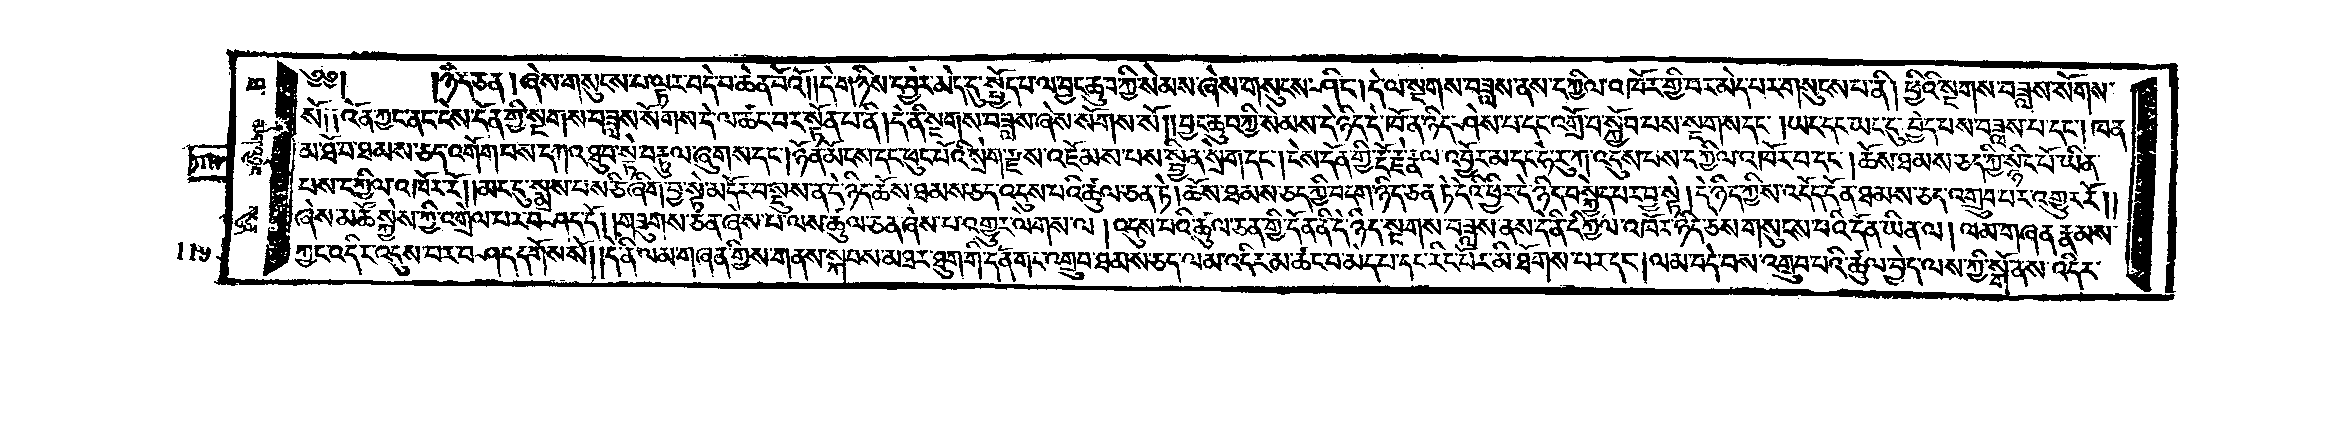༄༅། །ཉིད་ཅན། ཞེས་གསུངས་པ་ལྟར་བདེ་བ་ཆེན་པོའོ། །དེ་གཉིས་དབྱེར་མེད་དུ་སྤྱོད་པ་ལ་བྱང་ཆུབ་ཀྱི་སེམས་ཞེས་གསུངས་ཤིང་། དེ་ལ་སྔགས་བཟླས་ནས་དཀྱིལ་འཁོར་གྱི་བར་མེད་པར་གསུངས་པ་ནི། ཕྱིའི་སྔགས་བཟླས་སོགས་
སོ། །འོན་ཀྱང་ནང་ངེས་དོན་གྱི་སྔགས་བཟླས་སོགས་དེ་ལ་ཚང་བར་སྟོན་པ་ནི། དེ་ནི་སྔགས་བཟླས་ཞེས་སོགས་སོ། །བྱང་ཆུབ་ཀྱི་སེམས་དེ་ཉིད་དེ་ཁོ་ན་ཉིད་ཤེས་པ་དང་འགྲོ་བ་སྐྱོབ་པས་སྔགས་དང་། ཡང་དང་ཡང་དུ་བྱེད་པས་བཟླས་པ་དང་། ཁ་ན་
མ་ཐོ་བ་ཐམས་ཅད་འགོག་པས་དཀའ་ཐུབ་སྟེ་བརྟུལ་ཞུགས་དང་། ཉོན་མོངས་དང་ཕུང་པོའི་སྲེག་རྫས་འཇོམས་པས་སྦྱིན་སྲེག་དང་། ངེས་དོན་གྱི་རྡོ་རྗེ་རྣལ་འབྱོར་མ་དང་ཧེ་རུ་ཀ་འདུས་པས་དཀྱིལ་འཁོར་པ་དང་། ཆོས་ཐམས་ཅད་ཀྱི་སྙིང་པོ་ཡིན་
པས་དཀྱིལ་འཁོར་རོ། །མང་དུ་སྨྲས་པས་ཅི་ཞིག་བྱ་སྟེ་མདོར་བསྡུས་ན་དེ་ཉིད་ཆོས་ཐམས་ཅད་འདུས་པའི་ཚུལ་ཅན་ཏེ། ཆོས་ཐམས་ཅད་ཀྱི་བདག་ཉིད་ཅན་ཏེ་དེའི་ཕྱིར་དེ་ཉིད་བསྐྱེད་པར་བྱ་སྟེ། དེ་ཉིད་ཀྱིས་འདོད་དོན་ཐམས་ཅད་འགྲུབ་པར་འགྱུར་རོ། །
ཞེས་མཚོ་སྐྱེས་ཀྱི་འགྲེལ་པར་བཤད་དོ། །གཟུགས་ཅན་ཞེས་པ་ལས་ཚུལ་ཅན་ཞེས་པ་འགྱུར་ལེགས་ལ། འདུས་པའི་ཚུལ་ཅན་གྱི་དོན་ནི་དེ་ཉིད་སྔགས་བཟླས་ནས་དེ་ནི་དཀྱིལ་འཁོར་ཉིད་ཅེས་གསུངས་པའི་དོན་ཡིན་ལ། ལམ་གཞན་རྣམས་
ཀྱང་འདིར་འདུས་བར་བཤད་དགོས་སོ། །དེ་ནི་ལམ་གཞན་གྱིས་གནས་སྐབས་མཐར་ཐུག་གི་དོན་གང་འགྲུབ་ཐམས་ཅད་ལམ་འདིར་མ་ཚང་བ་མེད་པ་དང་རིང་པོར་མི་ཐོགས་པར་དང་། ལམ་བདེ་བས་འགྲུབ་པའི་ཚུལ་བྱེད་ལས་ཀྱི་སྒོ་ནས་འདིར་